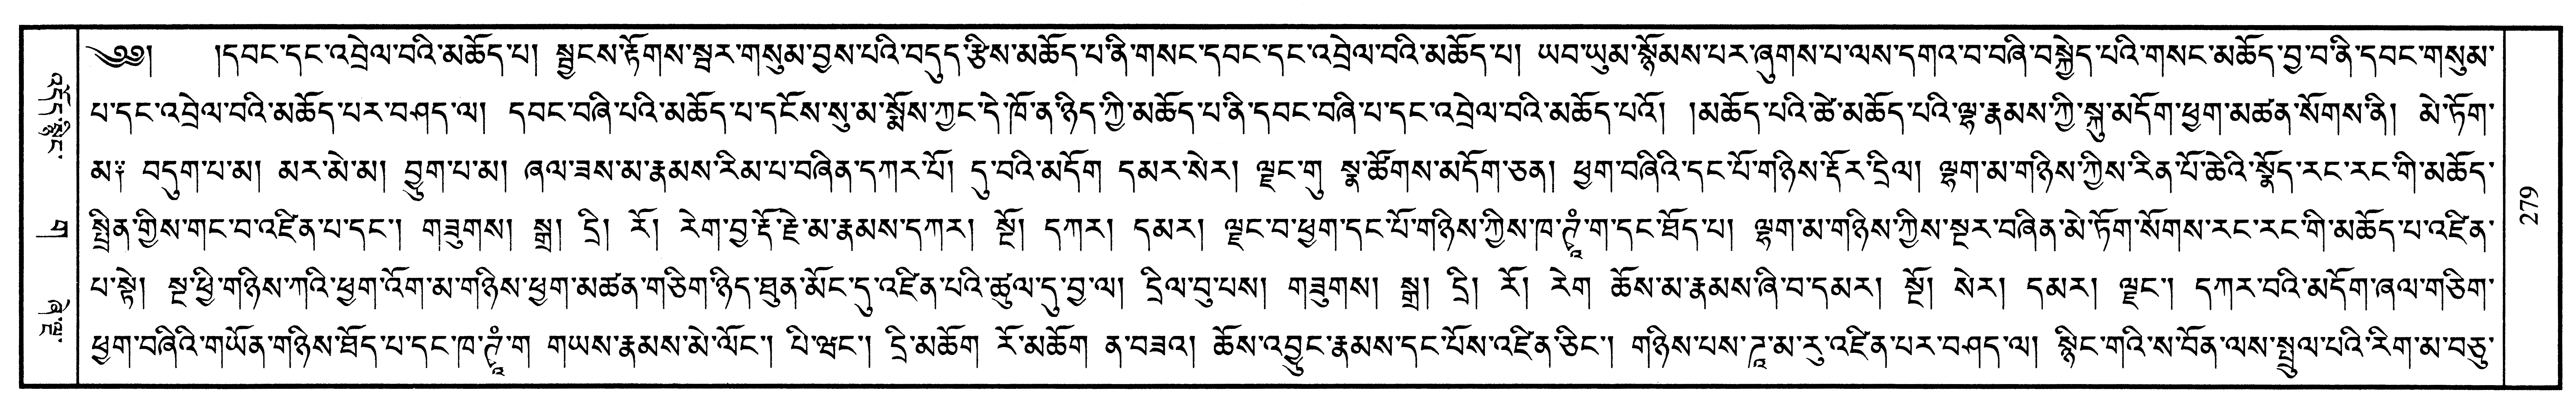༄༅། །དབང་དང་འབྲེལ་བའི་མཆོད་པ། སྦྱངས་རྟོགས་སྦར་གསུམ་བྱས་པའི་བདུད་རྩིས་མཆོད་པ་ནི་གསང་དབང་དང་འབྲེལ་བའི་མཆོད་པ། ཡབ་ཡུམ་སྙོམས་པར་ཞུགས་པ་ལས་དགའ་བ་བཞི་བསྐྱེད་པའི་གསང་མཆོད་བྱ་བ་ནི་དབང་གསུམ་
པ་དང་འབྲེལ་བའི་མཆོད་པར་བཤད་ལ། དབང་བཞི་པའི་མཆོད་པ་དངོས་སུ་མ་སྨོས་ཀྱང་དེ་ཁོ་ན་ཉིད་ཀྱི་མཆོད་པ་ནི་དབང་བཞི་པ་དང་འབྲེལ་བའི་མཆོད་པའོ། །མཆོད་པའི་ཚེ་མཆོད་པའི་ལྷ་རྣམས་ཀྱི་སྐུ་མདོག་ཕྱག་མཚན་སོགས་ནི། མེ་ཏོག་
མ། བདུག་པ་མ། མར་མེ་མ། བྱུག་པ་མ། ཞལ་ཟས་མ་རྣམས་རིམ་པ་བཞིན་དཀར་པོ། དུ་བའི་མདོག་དམར་སེར། ལྗང་གུ་སྣ་ཚོགས་མདོག་ཅན། ཕྱག་བཞིའི་དང་པོ་གཉིས་རྡོར་དྲིལ། ལྷག་མ་གཉིས་ཀྱིས་རིན་པོ་ཆེའི་སྣོད་རང་རང་གི་མཆོད་
སྤྲིན་གྱིས་གང་བ་འཛིན་པ་དང་། གཟུགས། སྒྲ། དྲི། རོ། རེག་བྱ་རྡོ་རྗེ་མ་རྣམས་དཀར། སྔོ། དཀར། དམར། ལྗང་བ་ཕྱག་དང་པོ་གཉིས་ཀྱིས་ཁ་ཊྭཱཾ་ག་དང་ཐོད་པ། ལྷག་མ་གཉིས་ཀྱིས་སྔར་བཞིན་མེ་ཏོག་སོགས་རང་རང་གི་མཆོད་པ་འཛིན་
པ་སྟེ། སྔ་ཕྱི་གཉིས་ཀའི་ཕྱག་འོག་མ་གཉིས་ཕྱག་མཚན་གཅིག་ཉིད་ཐུན་མོང་དུ་འཛིན་པའི་ཚུལ་དུ་བྱ་ལ། དྲིལ་བུ་པས། གཟུགས། སྒྲ། དྲི། རོ། རེག་ཆོས་མ་རྣམས་ཞི་བ་དམར། སྔོ། སེར། དམར། ལྗང་། དཀར་བའི་མདོག་ཞལ་གཅིག་
ཕྱག་བཞིའི་གཡོན་གཉིས་ཐོད་པ་དང་ཁ་ཊྭཱཾ་ག་གཡས་རྣམས་མེ་ལོང་། པི་ཝང་། དྲི་མཆོག་རོ་མཆོག་ན་བཟའ། ཆོས་འབྱུང་རྣམས་དང་པོས་འཛིན་ཅིང་། གཉིས་པས་ཌཱ་མ་རུ་འཛིན་པར་བཤད་ལ། སྙིང་གའི་ས་བོན་ལས་སྤྲུལ་པའི་རིག་མ་བཅུ་